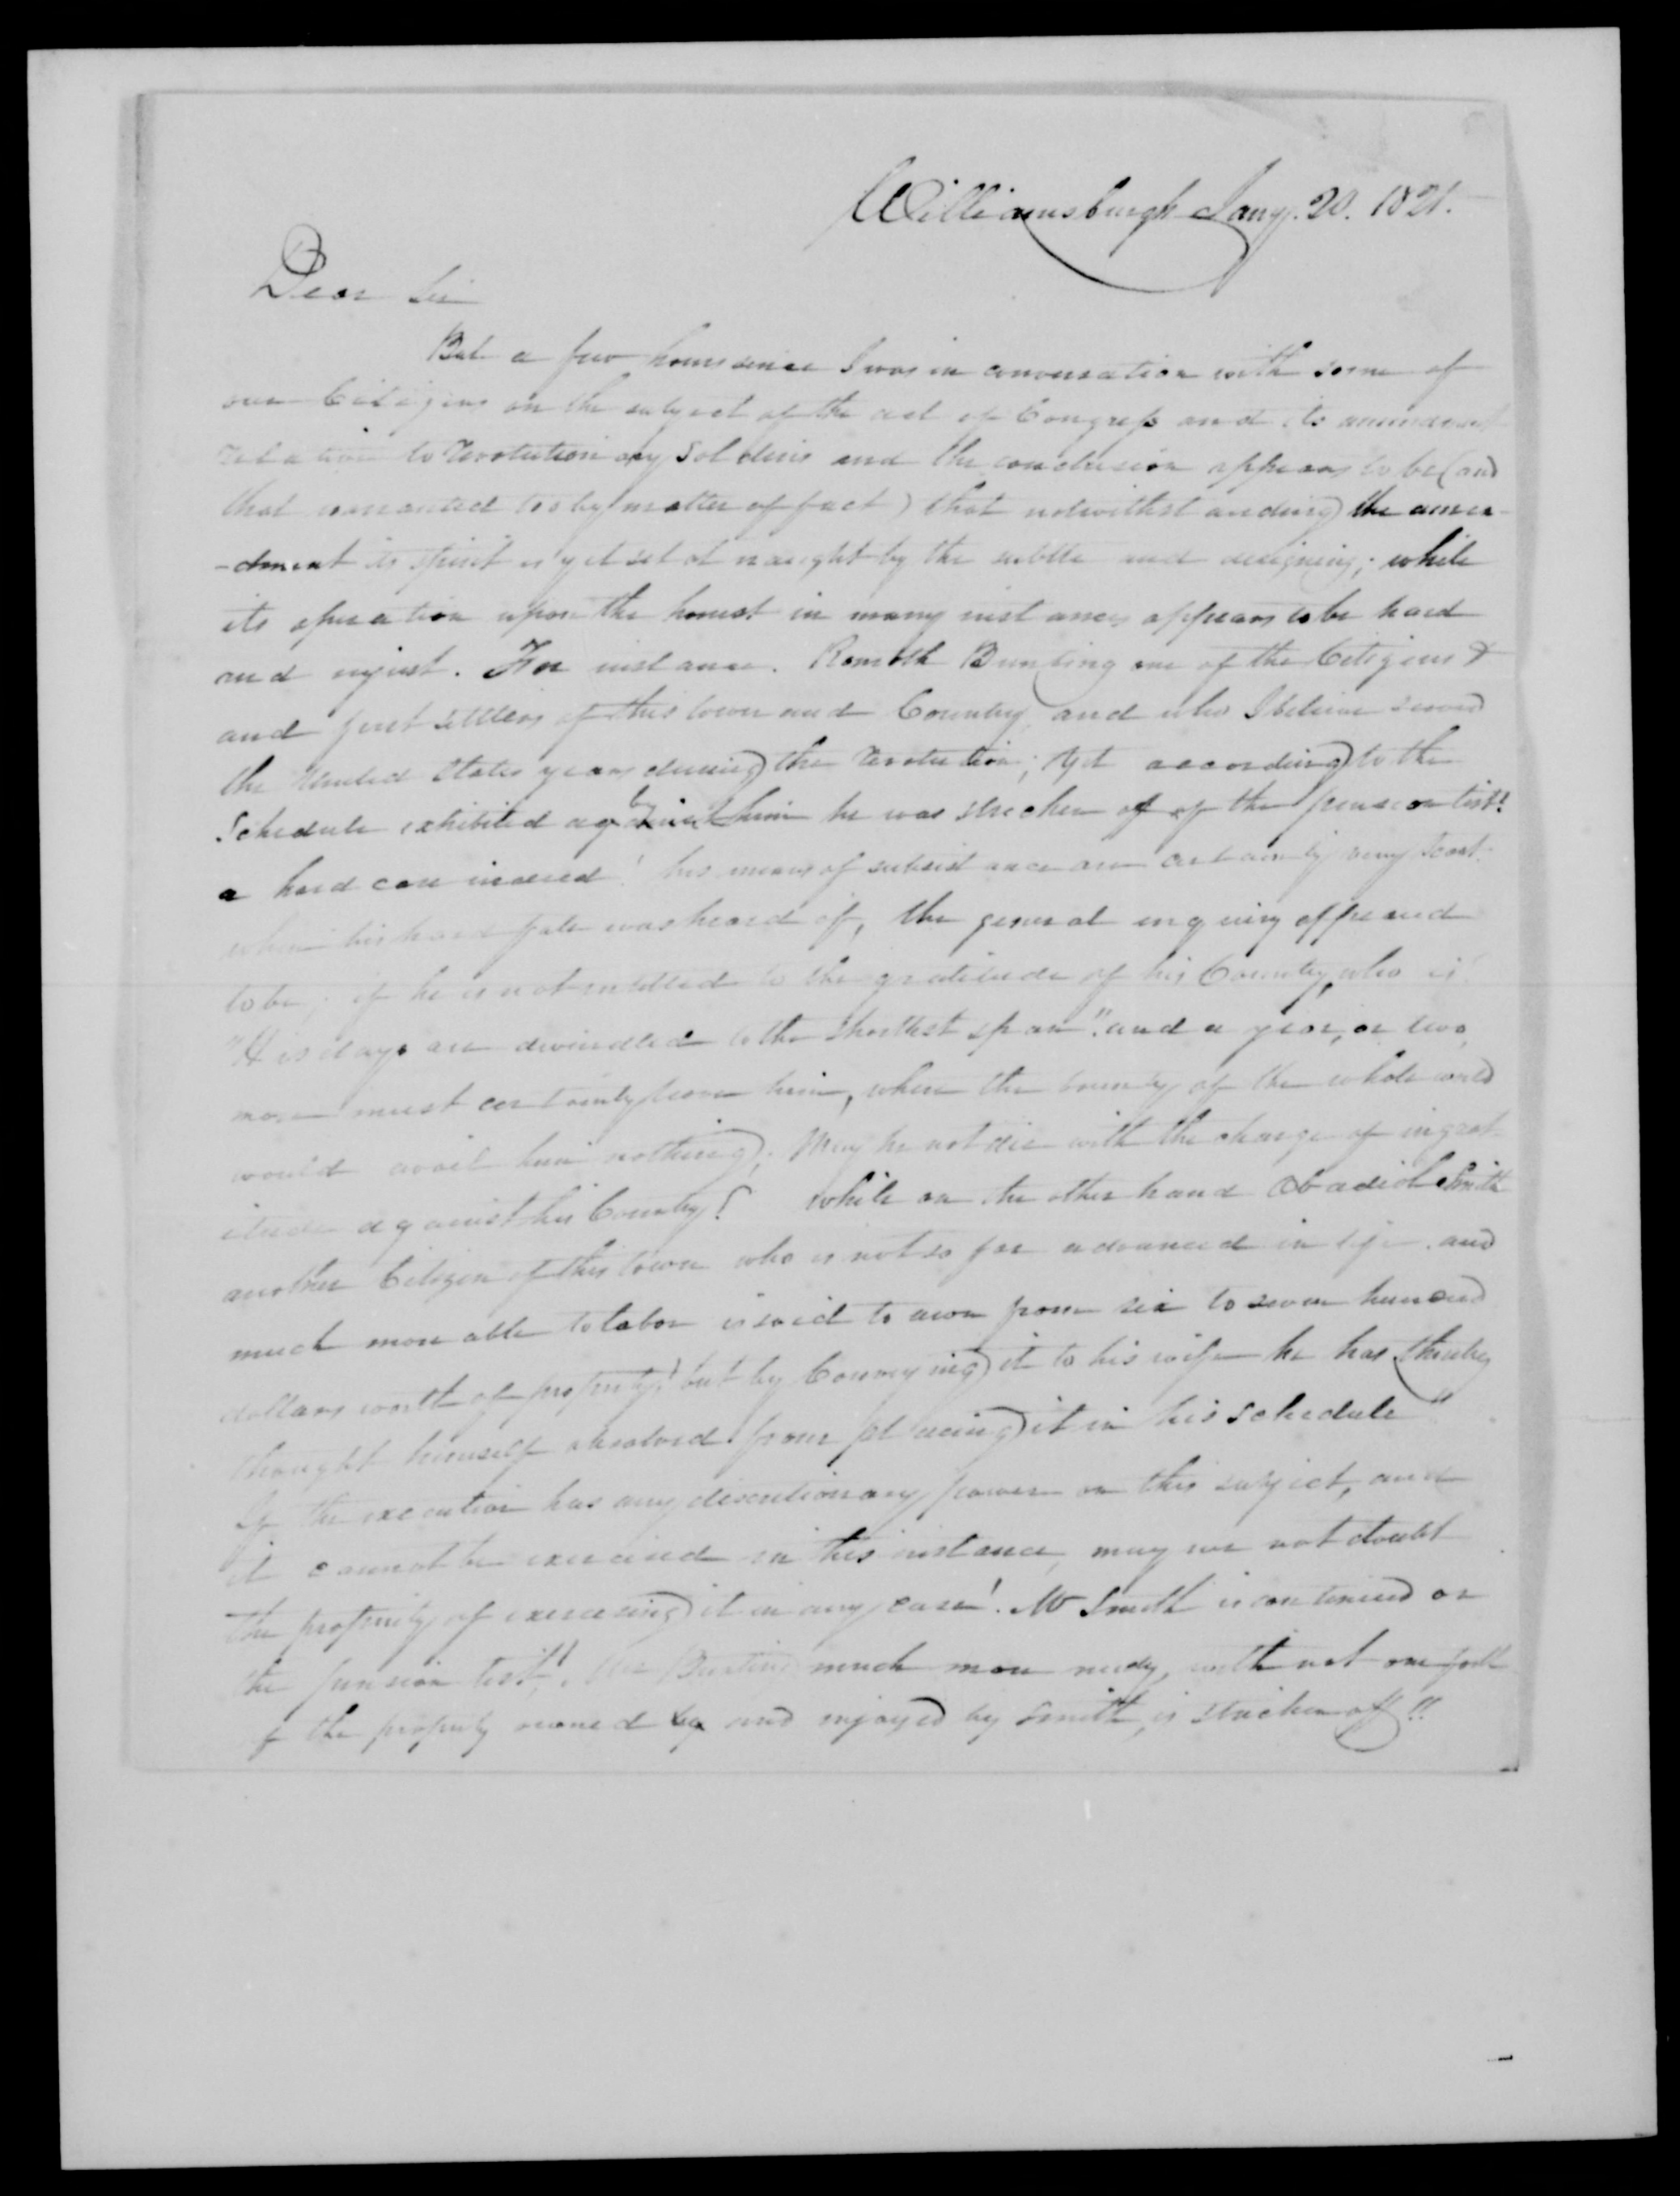Williamburagh Jany. 20. 1821. 
Dear Sir But a few hours since I was in conversation with some of our Citizens on the subject of the act of Congress and to amendment relative to Revolutionary Soldiers and the conclusion appears to be (and that amounted too bifurcation of fact) that notwithstanding the amendment in spirit as yet set at naught by the subtle and designing; while its aplication upon the honest in many such cases appears to be hard and unjust. For instance. Romoth Bunting one of the Citizens & and first settlers of this town and Country and who I believe served the United States year during the Revolution; yet according to the Schedule exhibited [crossed out word] by him he was stricken of of [off of] the pension list;! a hard case issued his means of subsistence are certainly very least when his has a fate was heard of, the general inquiry appeared to be ; if he is not entitled to the gratitude of his Country, who is? "His days are dwindled to the shortest span." and a year, or two, more must certainly leave him, when the bounty of the whole and would avail him nothing, May he not die with the charge of ingratitude against his County? while on the other hand Obadiah Smith another Citizen of this town who is not so far advanced in age. and much more able to labor is said to own from six to seven hundred dollars worth of property? but by Conveying it to his wife he has thereby thought himself absolved from placing it in his schedule if the execution has any discretionary power on this subject, and it cannot be exercised in this instance, may we not doubt the profanity of rewarding it in any case! Mr Smith is continued on the pension list! Mr Bunting much more needy, without one forth of the property named by and enjoyed by Smith, is stricken off!!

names: Obadiah Smith; [BLANK] Smith; [BLANK] Smith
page: 25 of 66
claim: survivor's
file: S 40458, for Obadiah Smith, New York